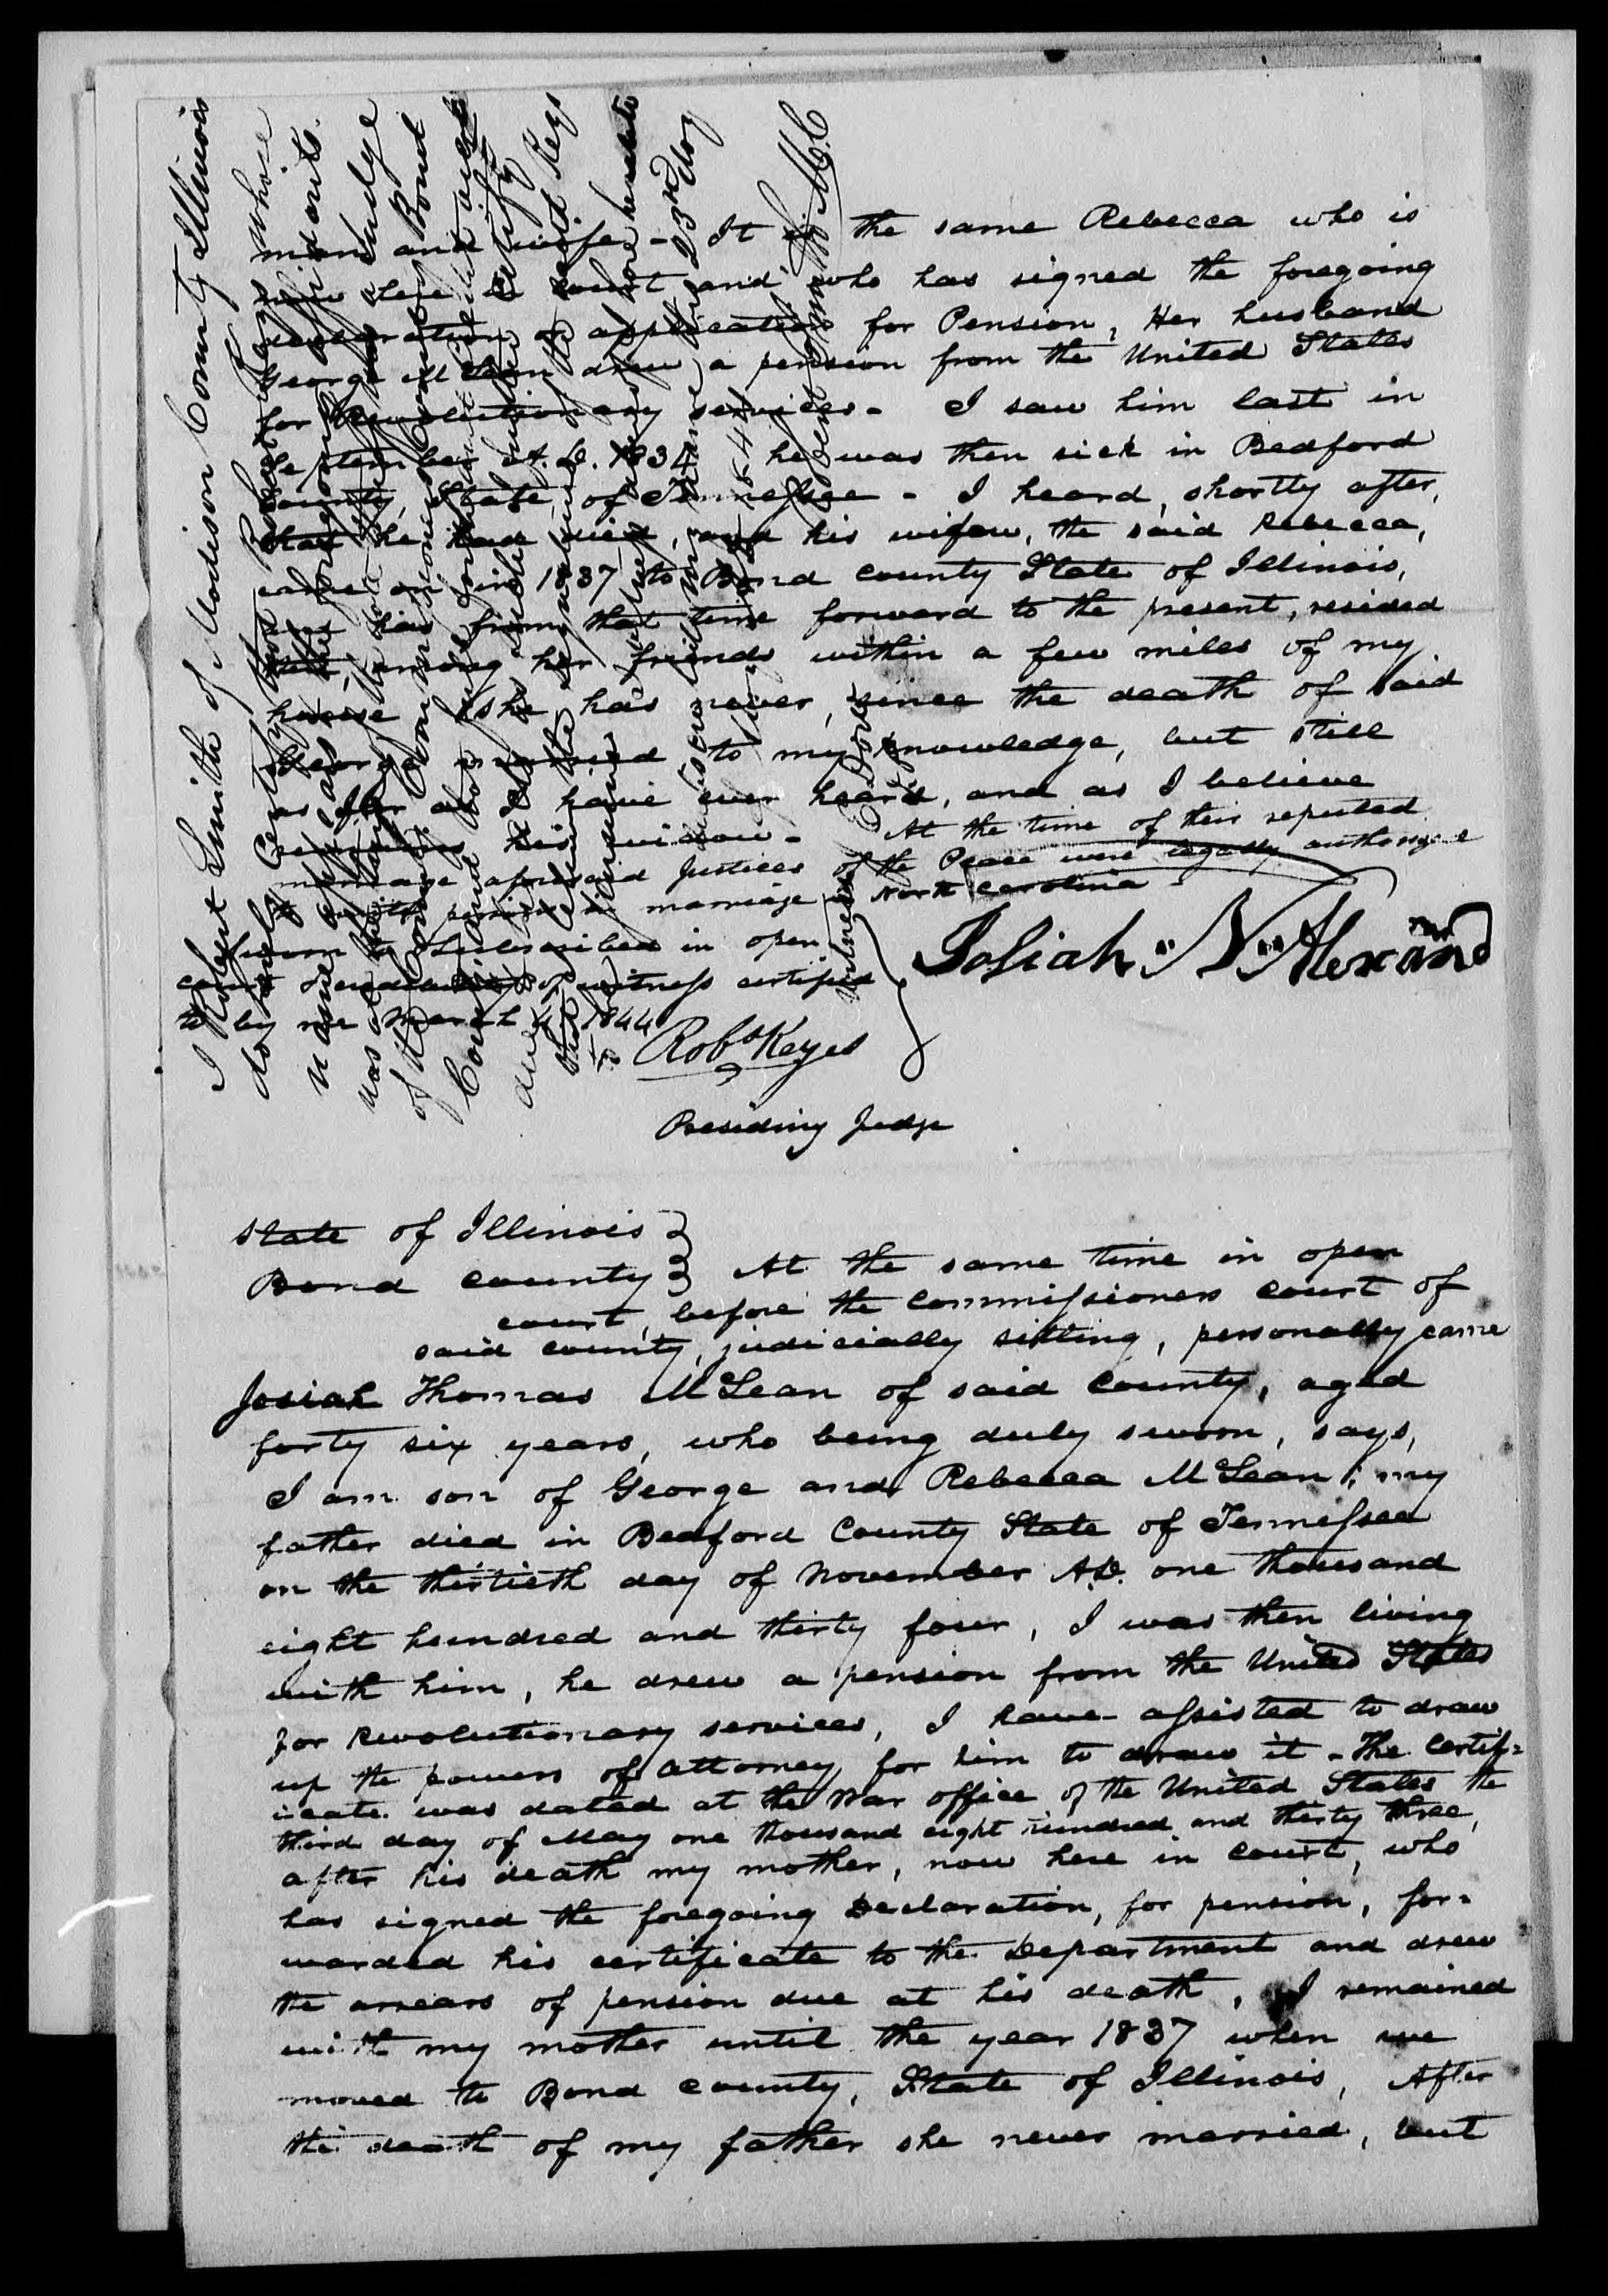man and wife – It is the same Rebecca who is now here in Court and who has signed the foregoing declaration on application for Pension. Her husband George McLean drew a pension from the United States for Revolutionary serves. I saw him last in September AD 1834, he was then sick in Bedford County, State of Tennessee. I heard, shortly after, that he had died, and his widow, the said Rebecca came on in 1837 to Bond County State of Illinois, and was from that time forward to the present, resided and among her friends within a few miles of my house she has never, since the death of said George is unmarried, to my knowledge, but still is, far as I have ever heard, and as I believe remained his widow. At the time of his reported marriage aforesaid Justices of the Peace were legally authorized to [Illegible] in marriage North Carolina.
[signed] Josiah N. Alexander
Sworn to & subscribed in open}
Court, & credibility of witnesses certified} 
to by me March 4 AD 1844}
Robt Keyes
Presiding Judge

[written sideways and through text] I Robert Smith of Madison County Illinois do hereby certify that Robert Keys whose name appears to the foregoing affidavits was at the time of making the foregoing a Judge of the County Commissioner Court of Bond County, and that full faith and credit are due to his acts as such. I further certify that I believe the signature of the said Keys to be genuine.
I witness [Illegible] I have hereunto [Illegible] my name this 23rd day of May AD 1844
Robert Smith M.C.
Witness J E [Dove?]

State of Illinois}
Bond County} At the same time in open court before the commissioners Court of said county judicially sitting, personally came Josiah Thomas McLean of said County, aged forty six years, who being duly sworn, says, 
I am son of George and Rebecca McLean, my father died in Bedford County State of Tennessee on the thirtieth day of November A.D. one thousand eight hundred and thirty four, I was then living with him, he drew a pension from the United States for Revolutionary services, I have assisted to draw up the power of attorney, for him to draw it. The certificate was dated at the War office of the United States the third day of May one thousand eight hundred and thirty three, after his death my mother, now here in court, who has signed the foregoing declaration, for pension, forwarded his certificate to the Department and drew the arrears of pension due at his death, I remained with my mother until the year 1837 when we moved to Bond County, State of Illinois the death of my father she never married, but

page: 7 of 67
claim: widow's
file: W. 21793, for George Mc Lain, North Carolina